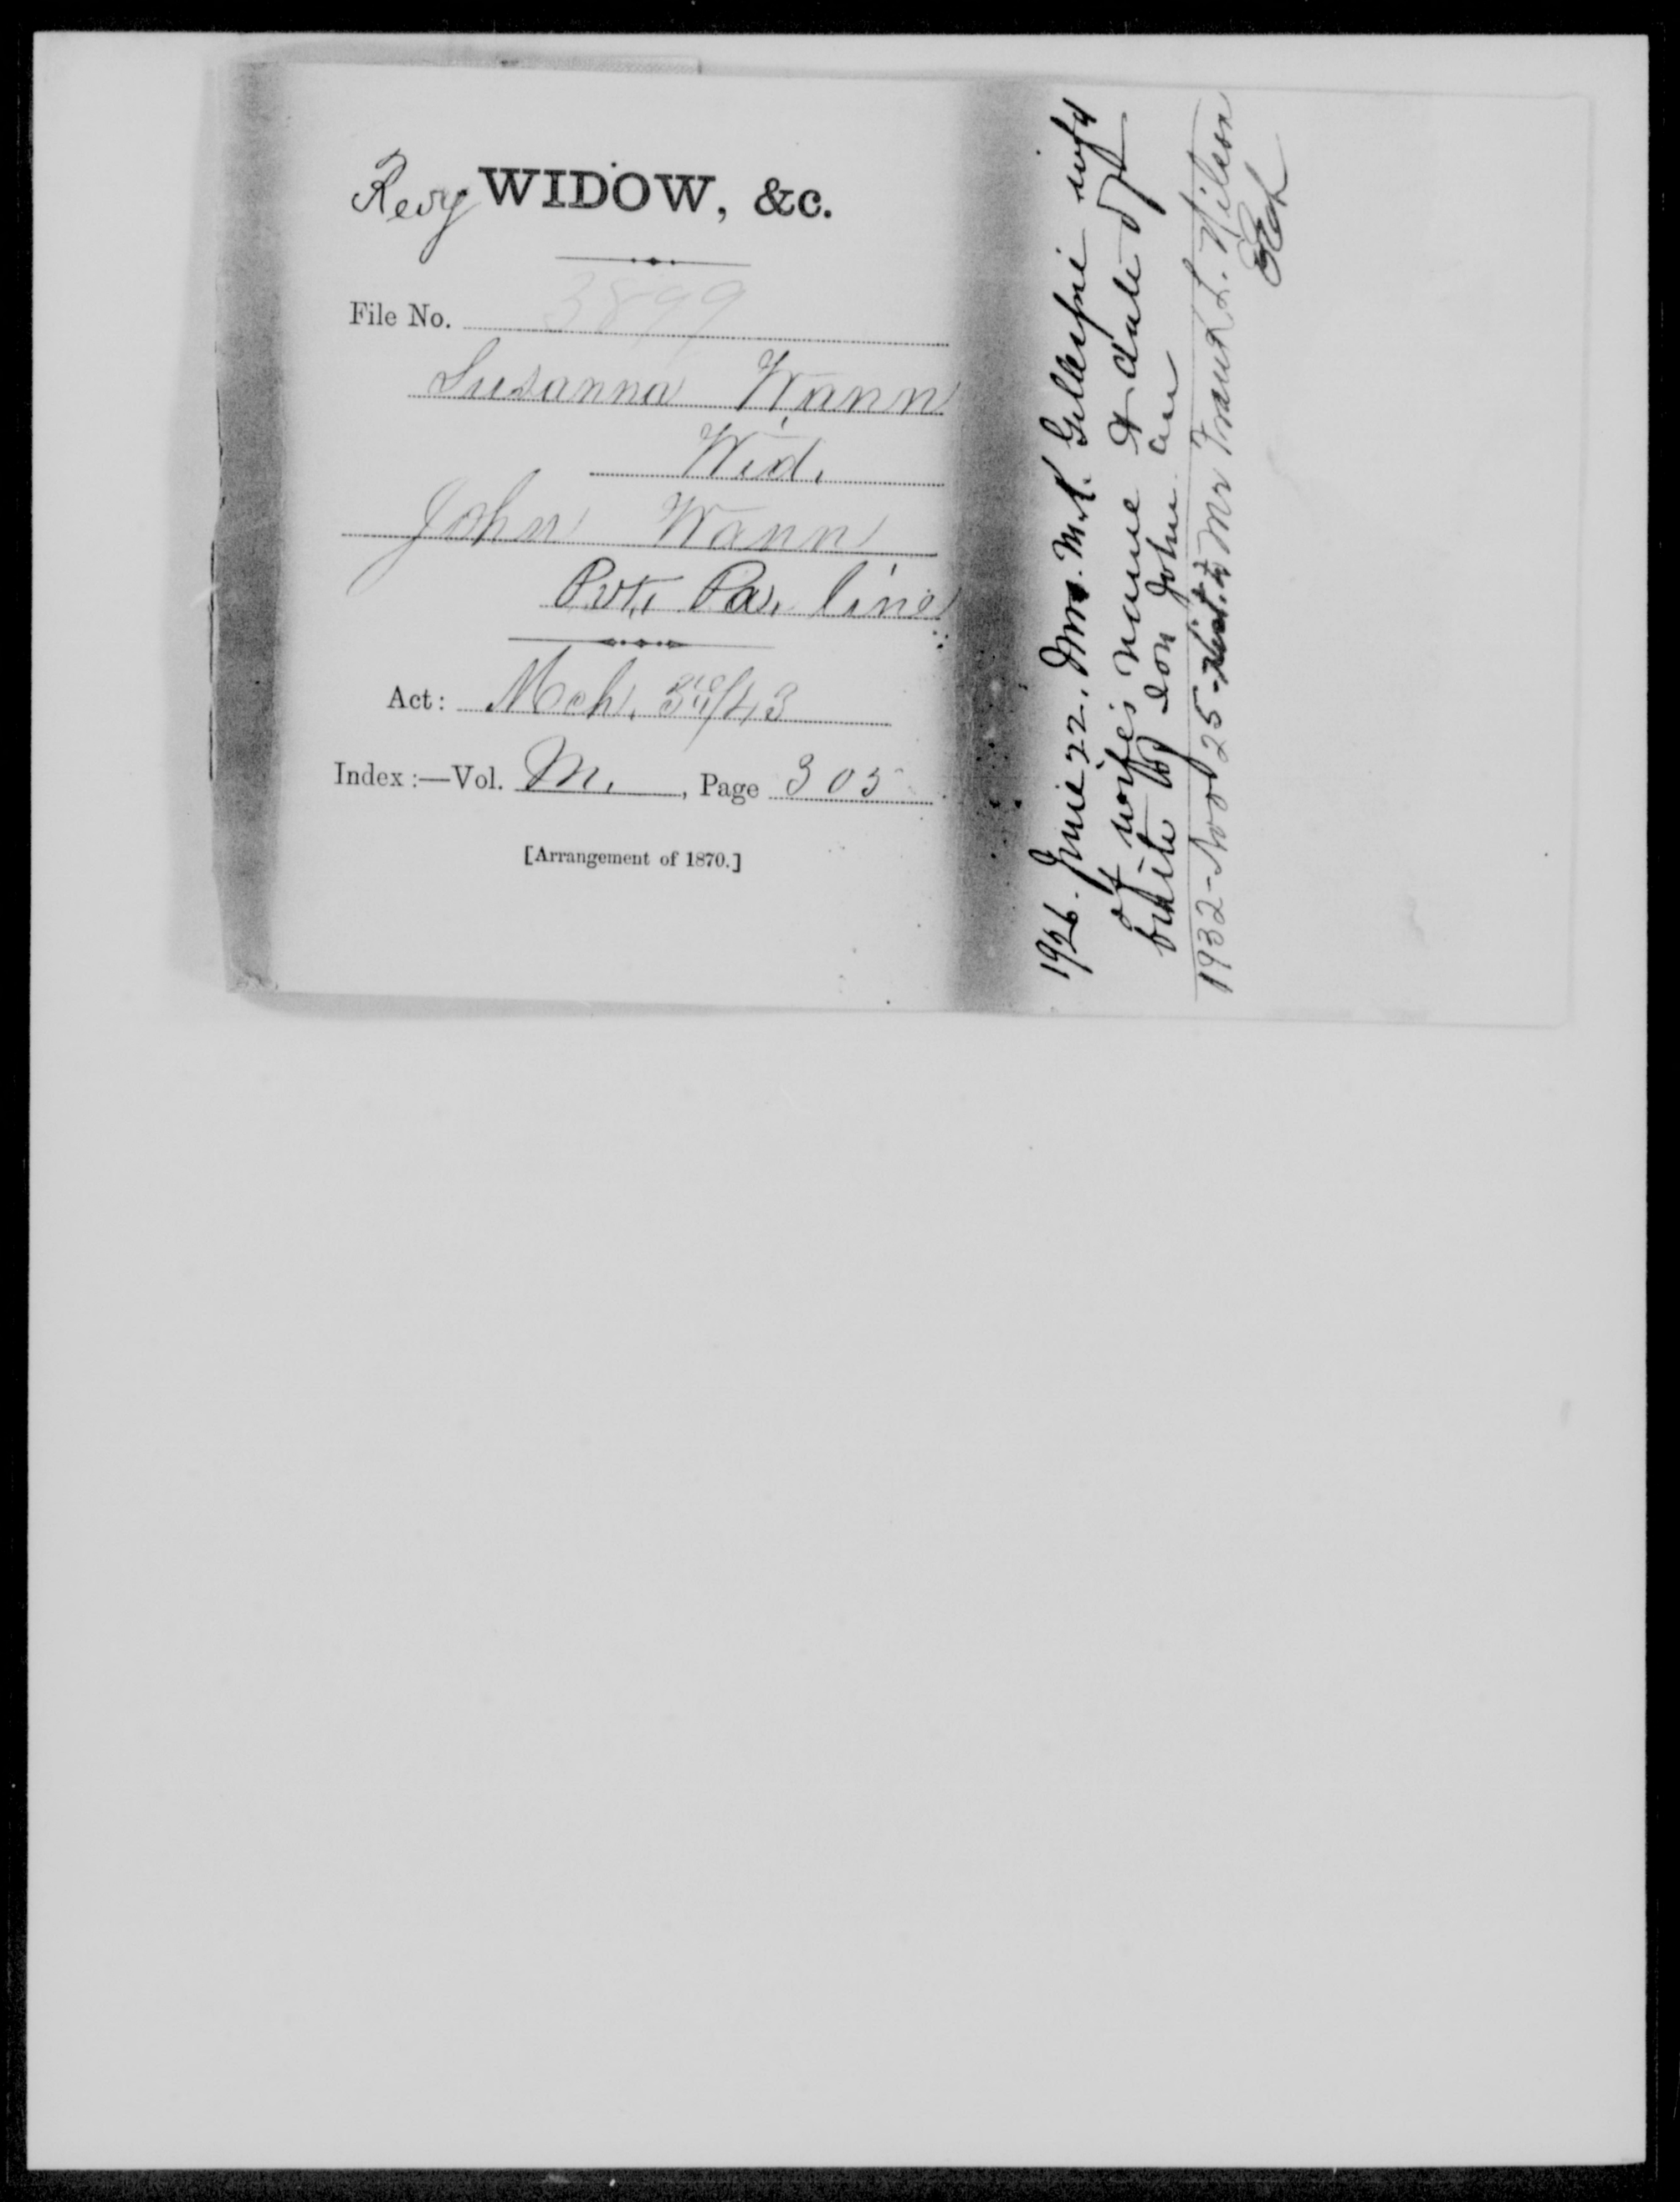Revy [Revolutionary] WIDOW, &c.
File No. 3899
Susanna Wann
Wid
John Wann
Pvt. Pa. line
Act: Mch. [March] 3rd /43
Index:--Vol. A, Page 305
[Arrangement of 1870.]

1926. June 22. Mars. M. K. Gillespie [illegible] of wife's name & date of birth of son John au
1932 - Nov 25 - Hist. to Mr [Mr.] Frank L. Nilson EEL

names: John Wann, Frank L Wilson, John Wann, M L Gillespie, Susanna Wann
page: 18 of 38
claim: widow's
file: W. 3899, John Wann, Penn.